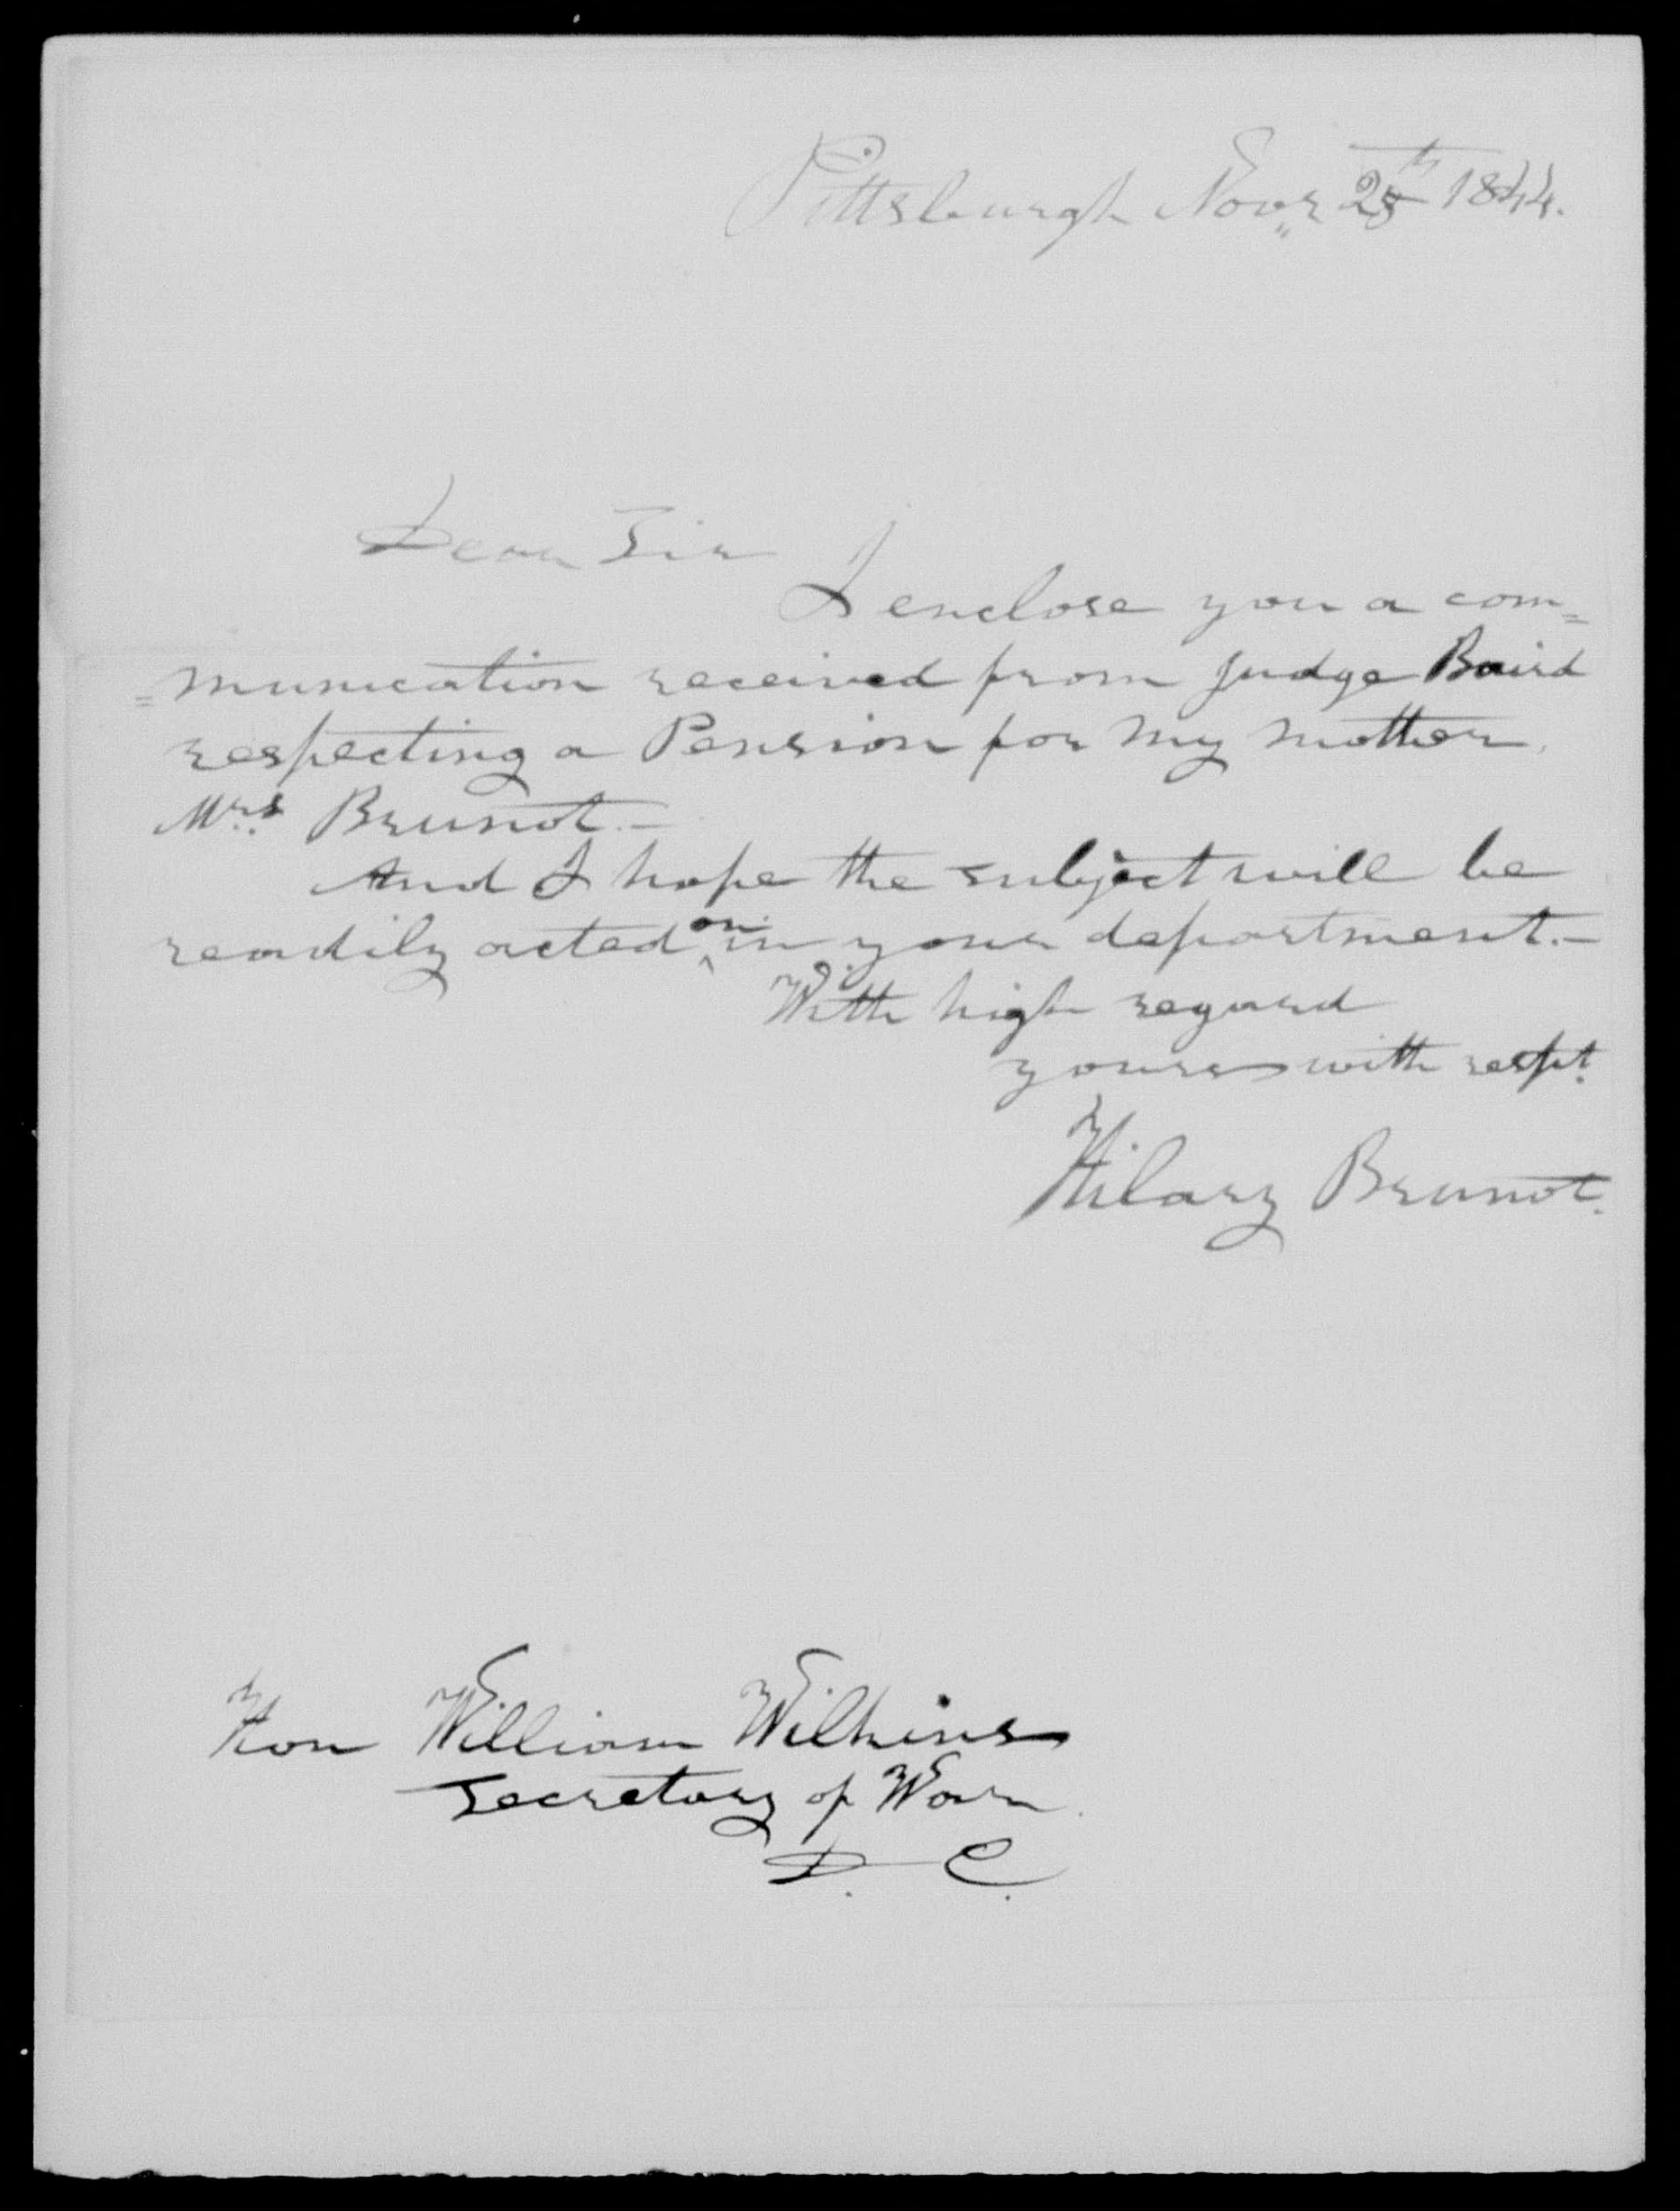Pittsburgh Novr 25th 1844
Dear Sir
I enclose you a communication received from Judge Baird respecting a Pension for my mother, Mrs Brunot.
And I hope the subject will be readily acted on in your department. 
With high regard
yours with respect
Hilary Brunot
Hon William Wilkins 
Secretary of War
DC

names: William Wilkins, Baird, Hilary Brunot, Brunot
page: 27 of 34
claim: rejected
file: R. 1371, Felix Brunot, Penn.